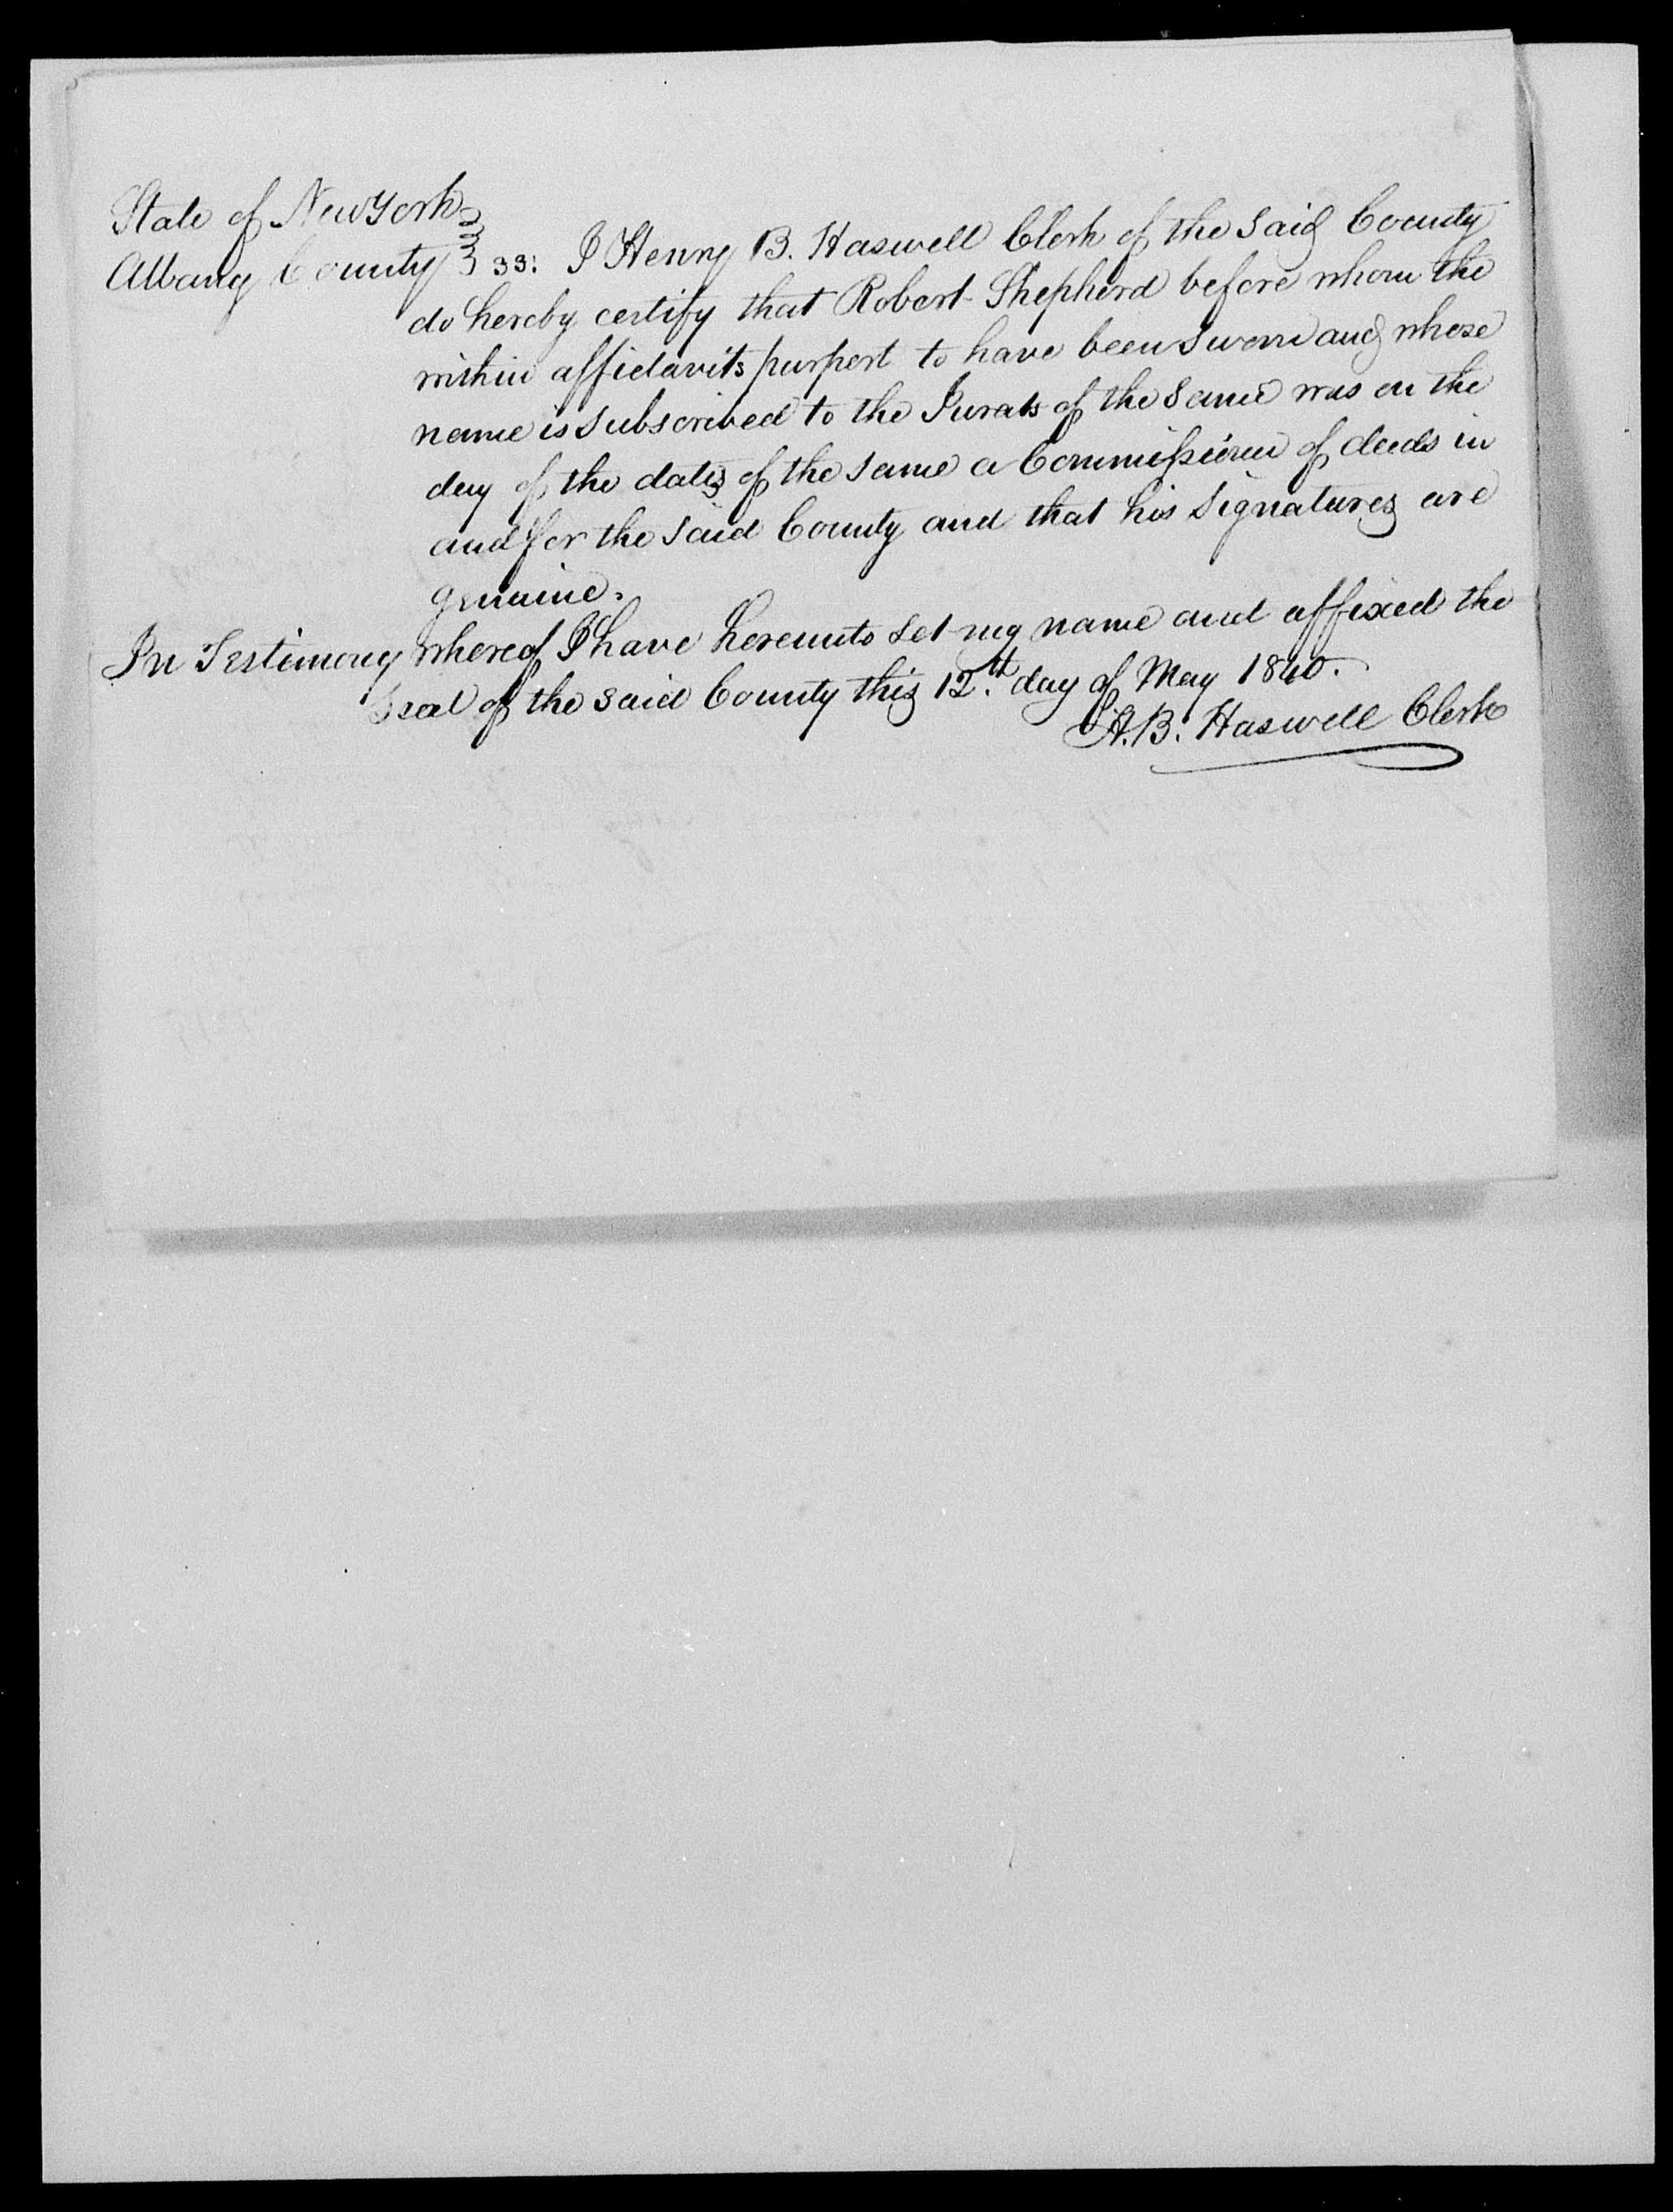State of New York
Albany County     ⎬ ss:
I Henry B. Haswell Clerk of the said County
do hereby certify that Robert Shepherd before whom the within affidavits purport to have been sworn and whose name is subscribed to the Jurats of the same was on the day of the dates of the same a Commissioner of deeds in and for the said County and that his signatures are genuine.
In Testimony whereof I have hereunto set my name and affixed the Seal of the said County this 12th day of May 1840.
A.B. Haswell Clerk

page: 28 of 28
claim: survivor's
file: S. 21,872, for Thomas Lyon, New York